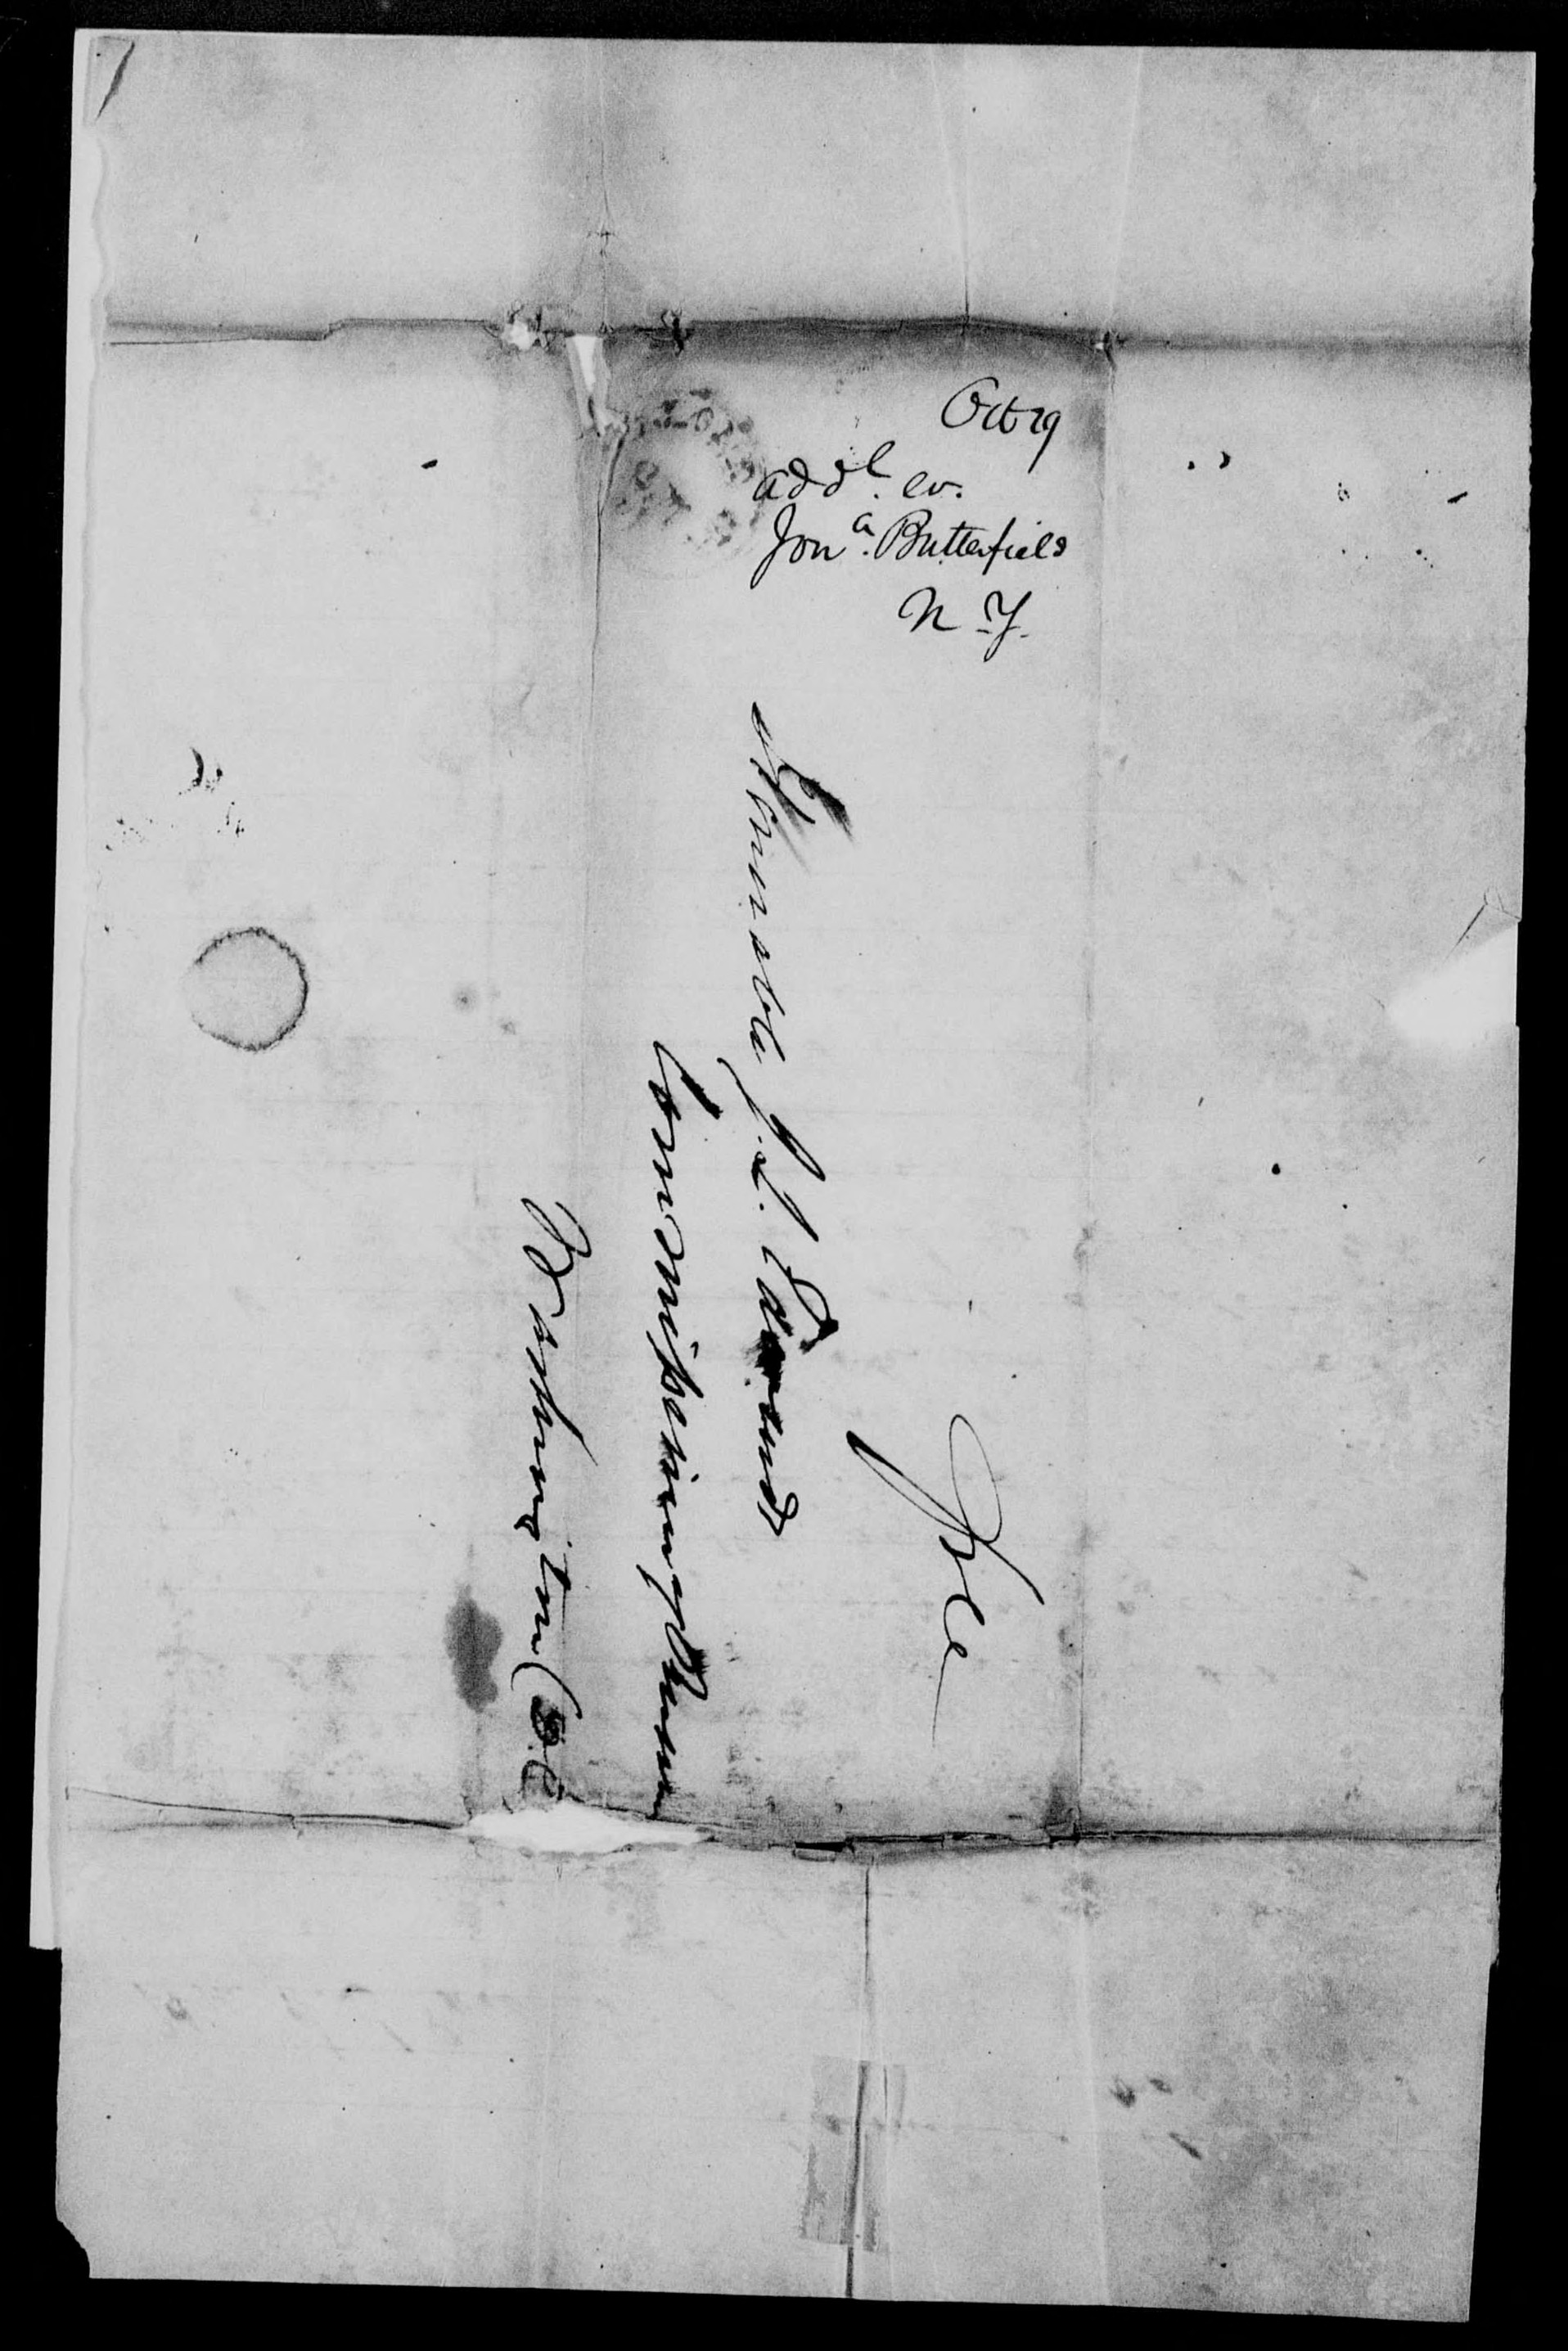Oct 19

Jona Butterfield
N.Y.


Honorable J.L. Edwards
Commissioner of Pensions
Washington DC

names: J L Edwards, Jona Butterfield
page: 26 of 40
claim: rejected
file: R. 1558, Jonathan Butterfield, Mass. Vt.